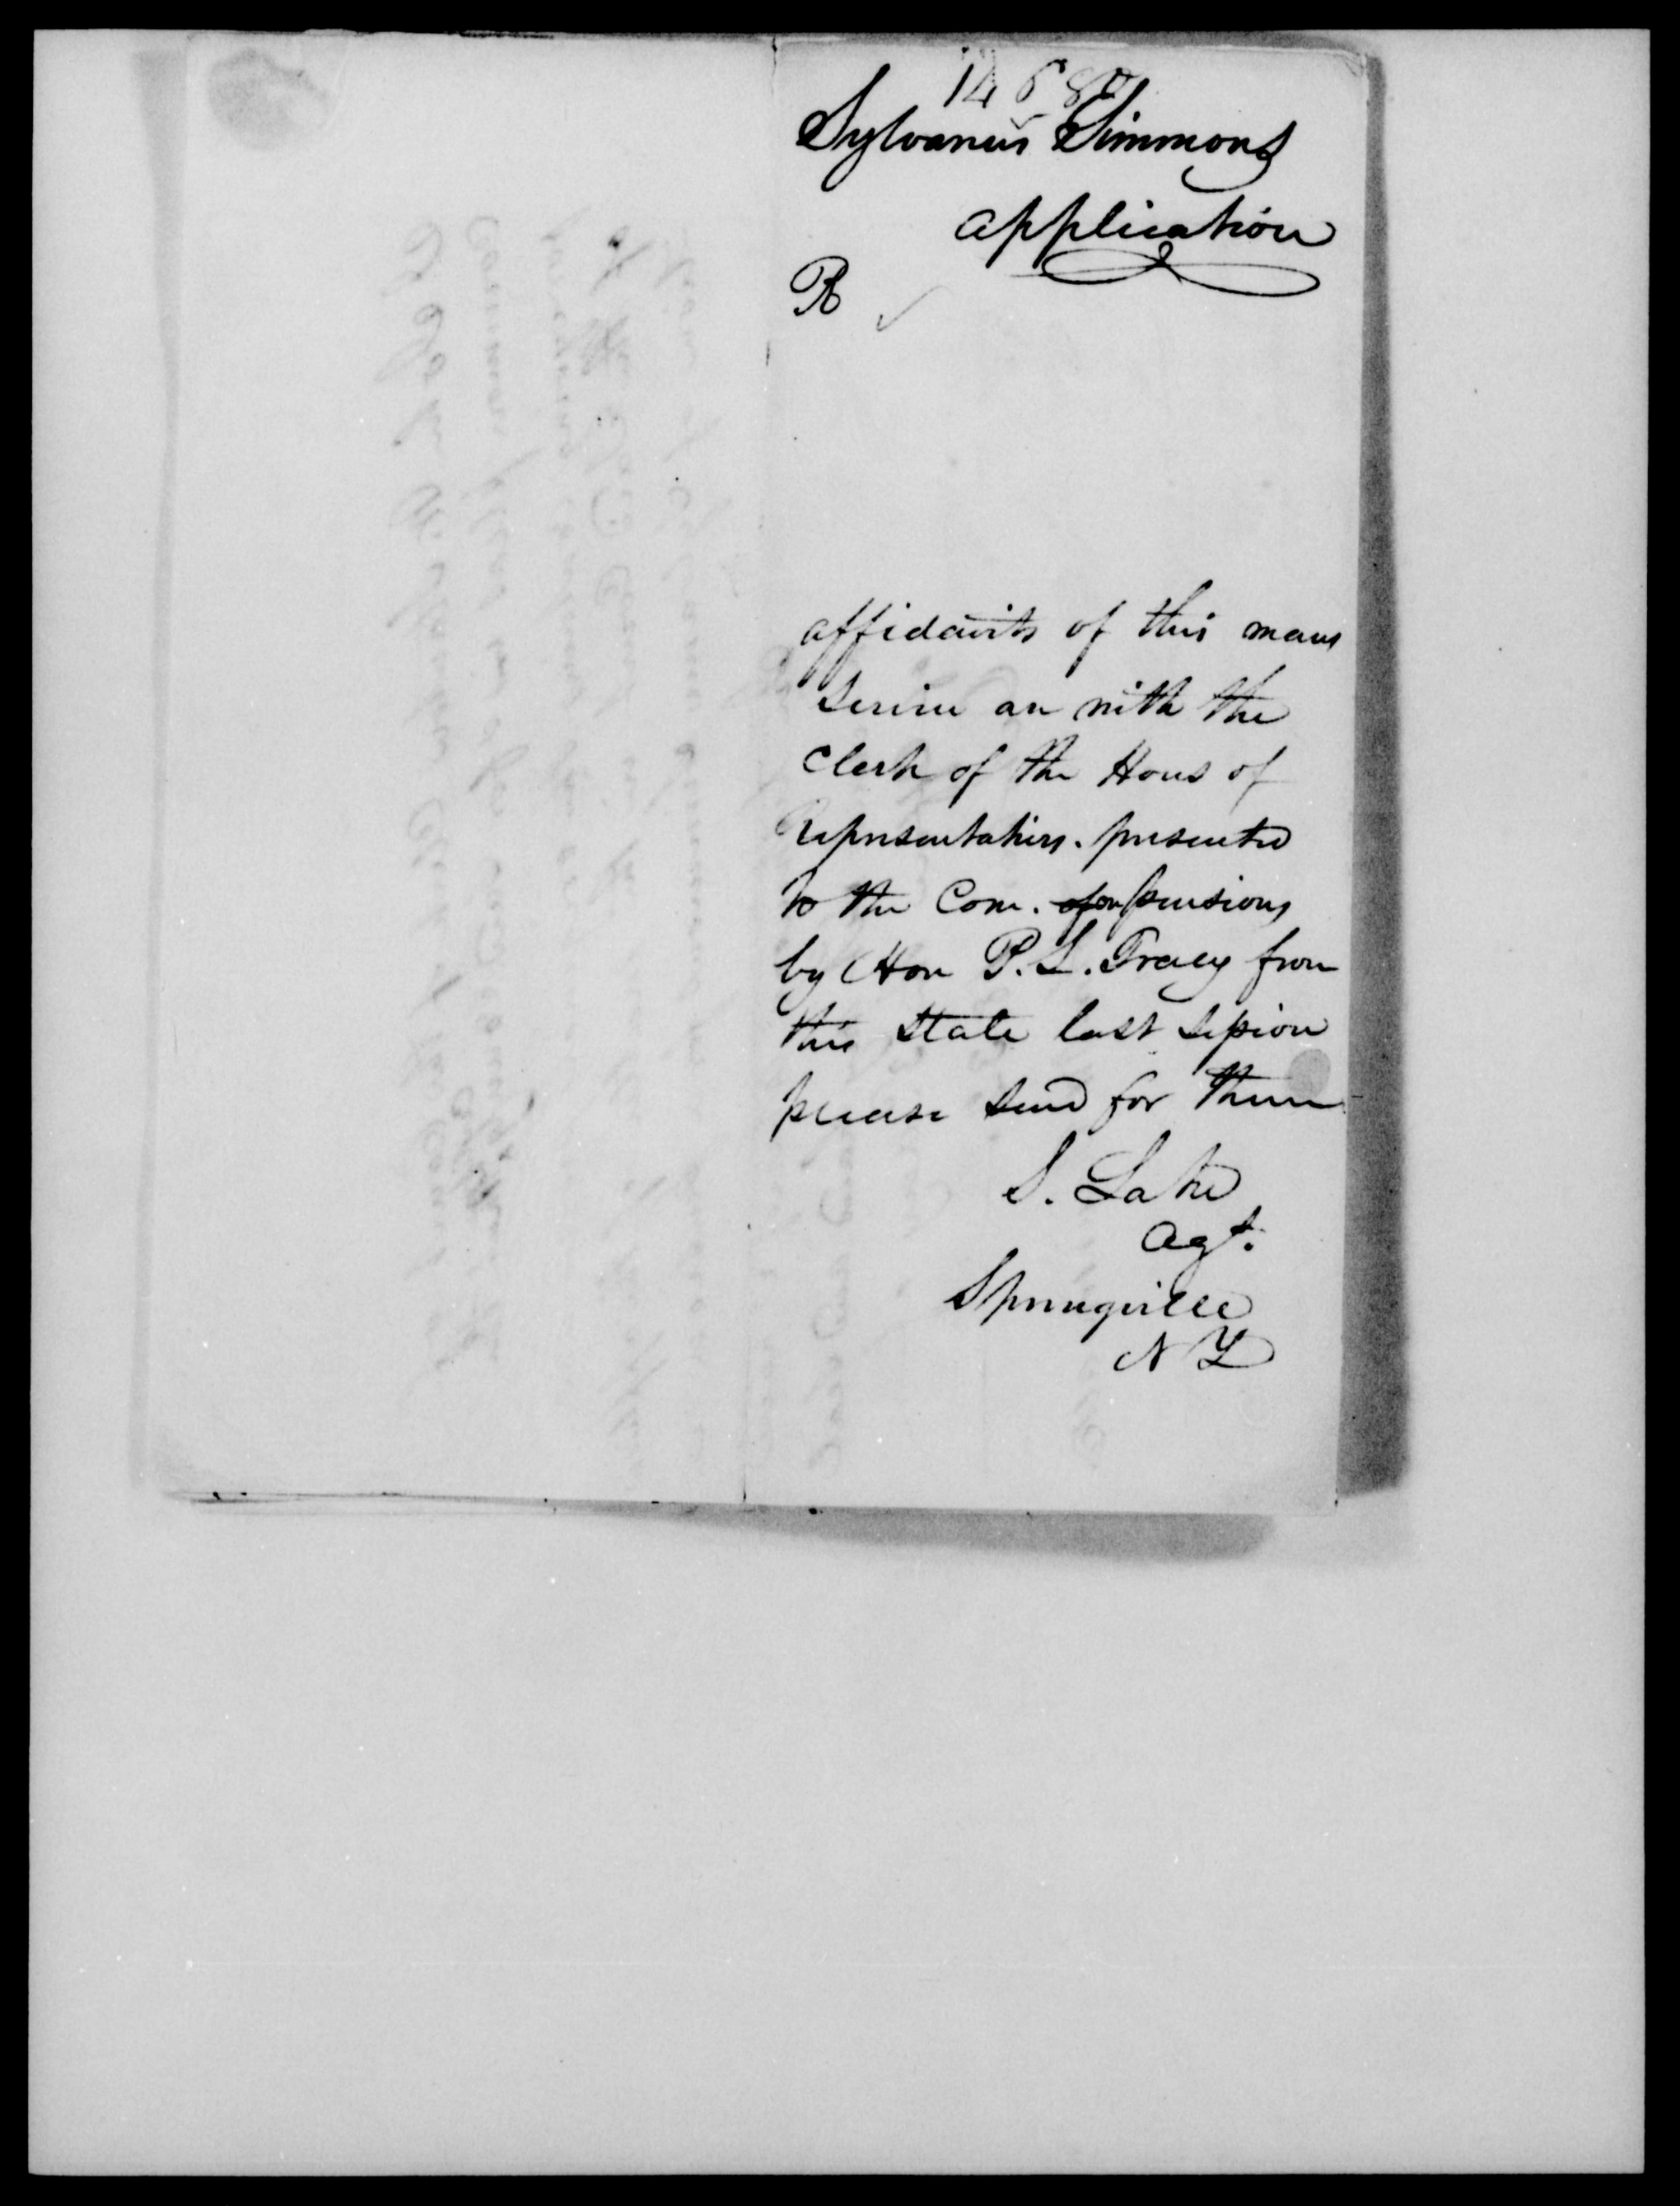14680
Sylvanus Simmons
application
R
affidavits of this mans
service are with the
Clerk of the House of
Representatives presented
to the Com. on pensions
by Hon P. L. Tracy from
this State last Session
please send for them 
S. Lake
Agt.
Springville
N Y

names: Sylvanus Simmons; P L Tracy; S Lake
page: 3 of 31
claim: survivor's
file: S. 14484, for Sylvanus Simmons, New York